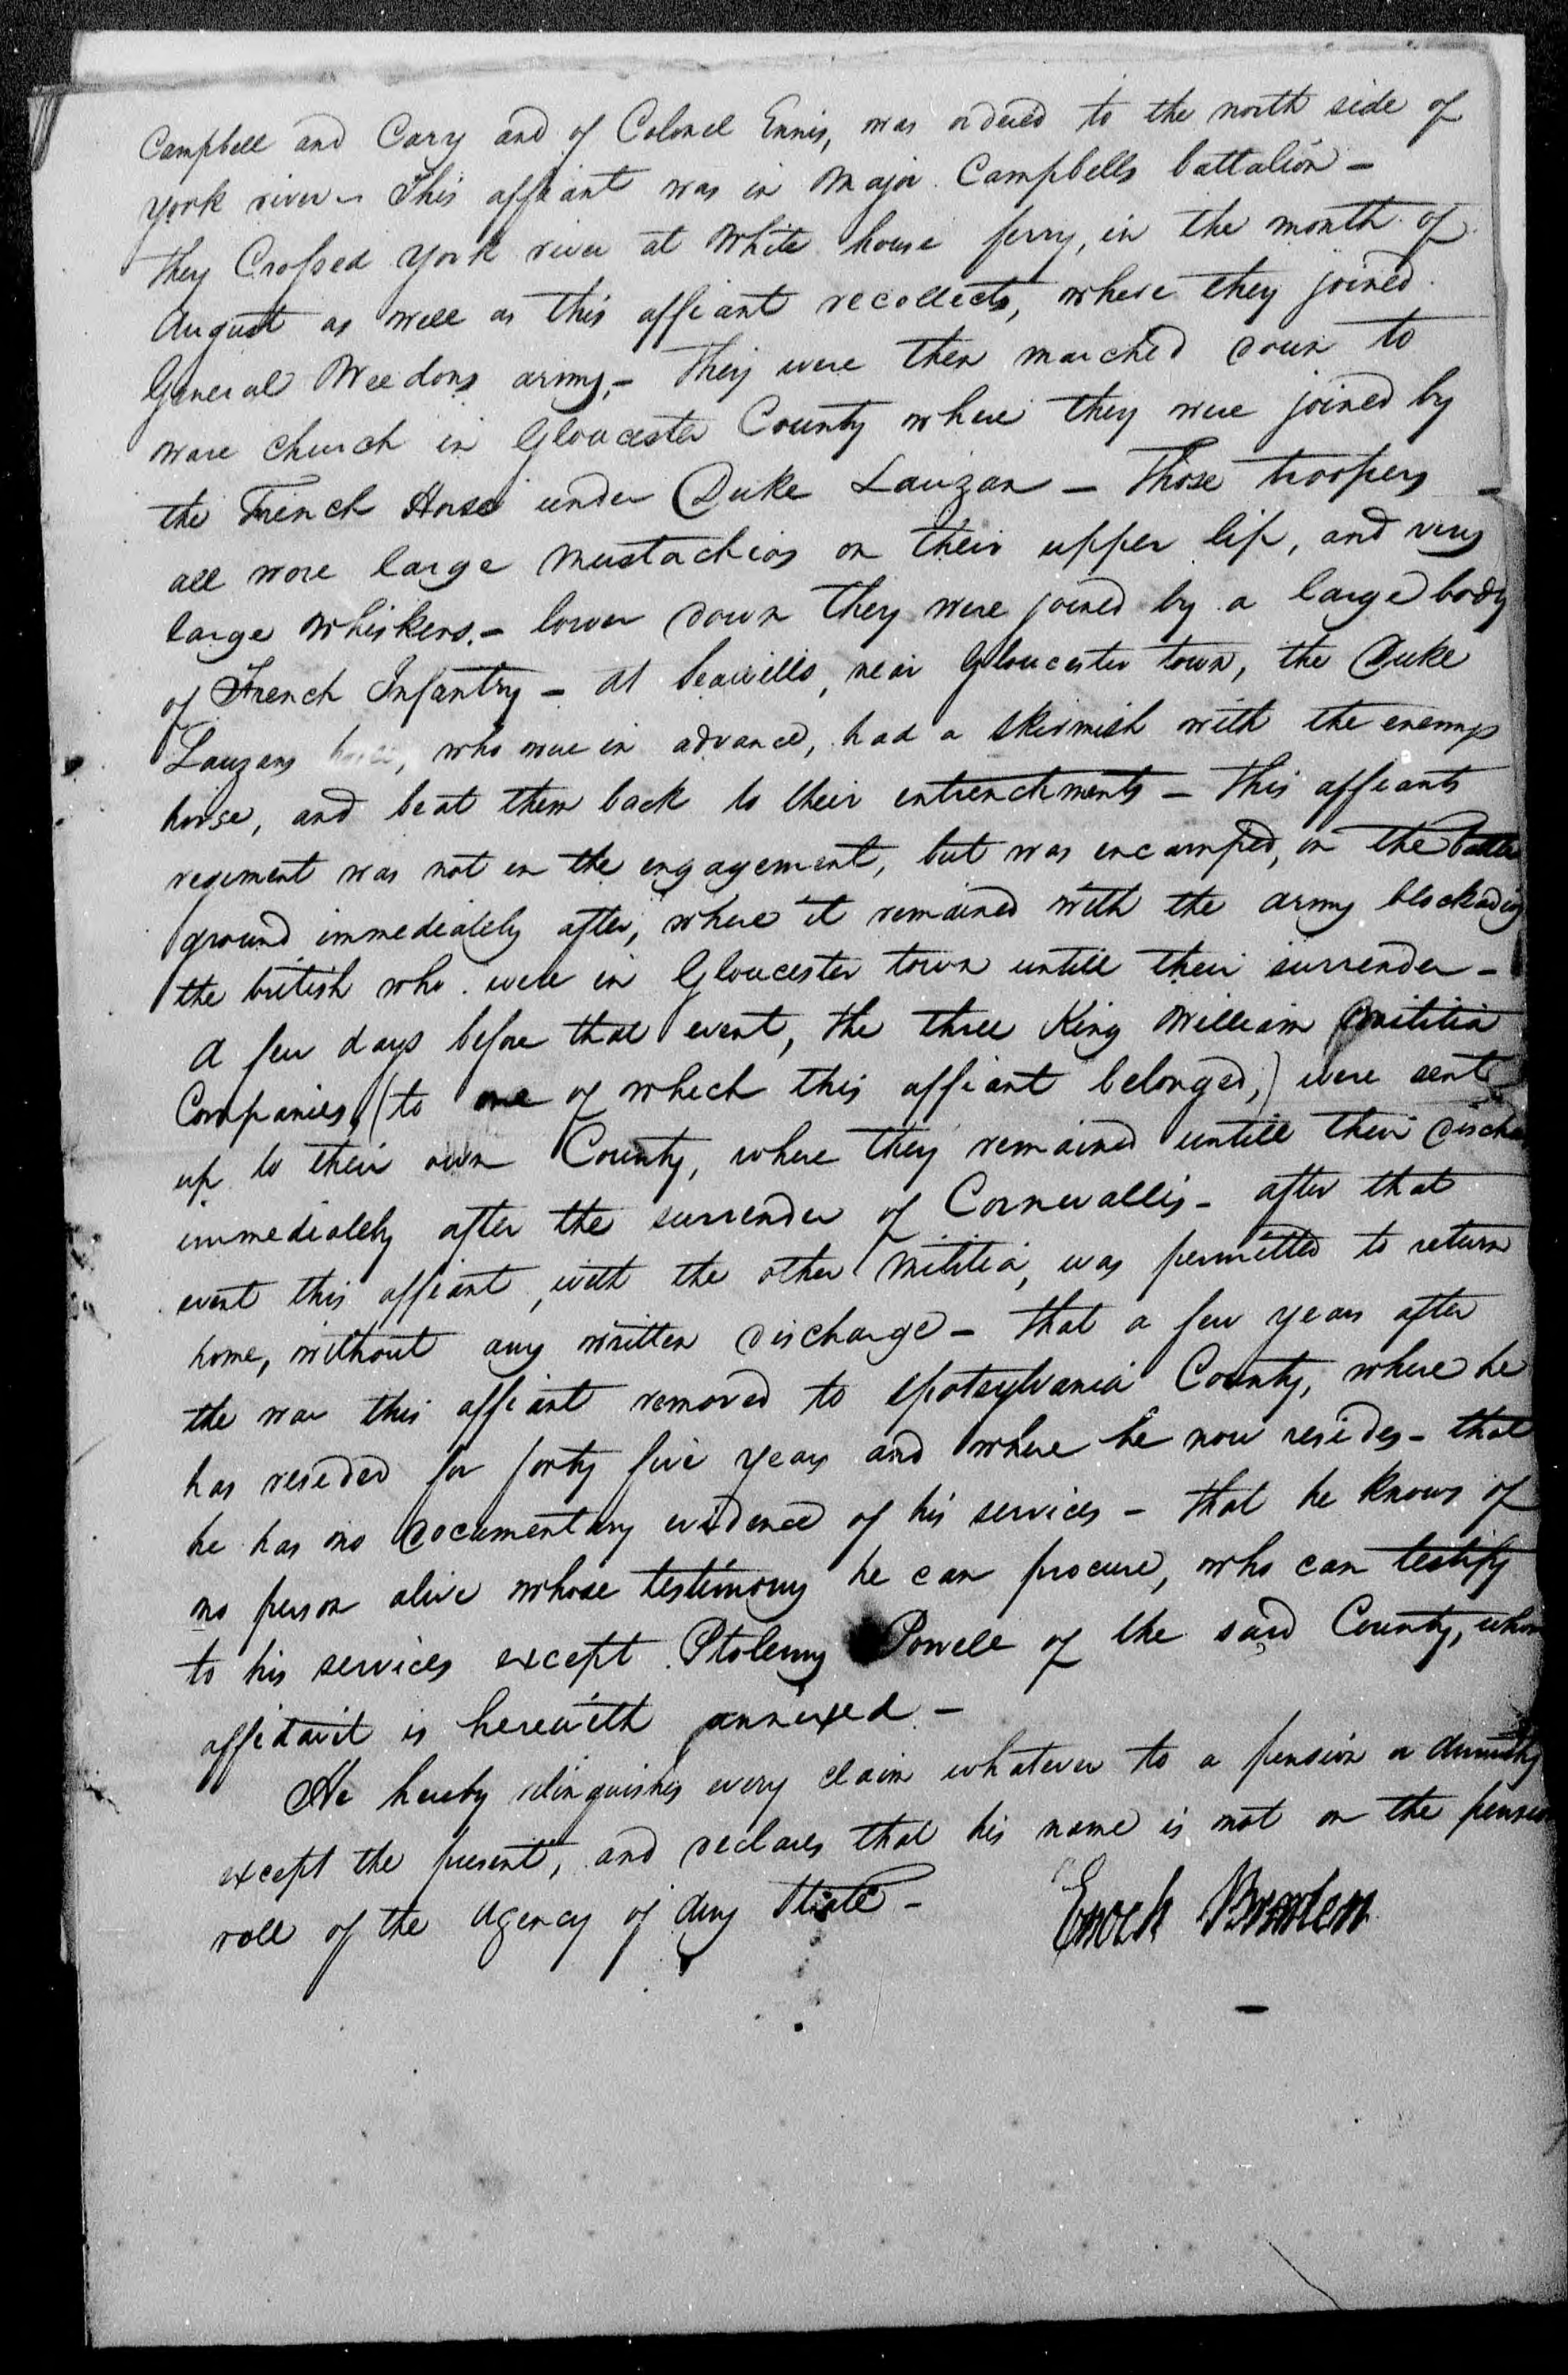Campbell and Cary and of Colonel Ennis, was ordered to the north side of York river. This affiant was in Major Campbells battalion - they Crossed York river at White house ferry, in the month of August as well as this affiant recollects, where they joined General Weedons army-- They were then marched [?] to ware church in Gloucester County where they were joined by the French Horse under Duke Lauzan - Those troopes all wore large mustachios on their upper lip, and very large Whiskers. - lower down they were joined by a large body of French Infantry at Seawells, near Gloucester town, the Duke Lauzan horse, who were in advance, had a skirmish with the enemy’s horse, and beat them back to their entrenchments-- this affiants regiment was not in the engagement, but was encamped in the latter ground immediately after, where it remained with the army blockading the british who were in Gloucester town untill their surrender- a few days before that event, the three King William Militia Companies (to one of which this affiant belonged,) were sent up to their own County, where they remained untill then [?] immediately after the surrender of Cornwallis - after that event this affiant with the other militia, was permitted to return home, without any written discharge - that a few years after the war this affiant removed to Spotsylvania County, where he has resided for forty five years and where he now resides that he has no documentary evidence of his services- that he knows of no person alive whose testimony he can procure, who can testify to his services except Ptolemy Powell of the said County, when affidavit is herewith annexed-

 He hereby relinquishes every claim whatever to a pension or annuity the except the present, and declares that his name is not on the pension roll of the agency of any state- 
Enoch Bartlett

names: Duke Lauzar, Cary, French Horse, Campbells, William, Ennis, Campbell, Enoch Breeden, Powell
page: 5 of 27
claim: survivor's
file: S. 1747, Enoch Breeden, Va.